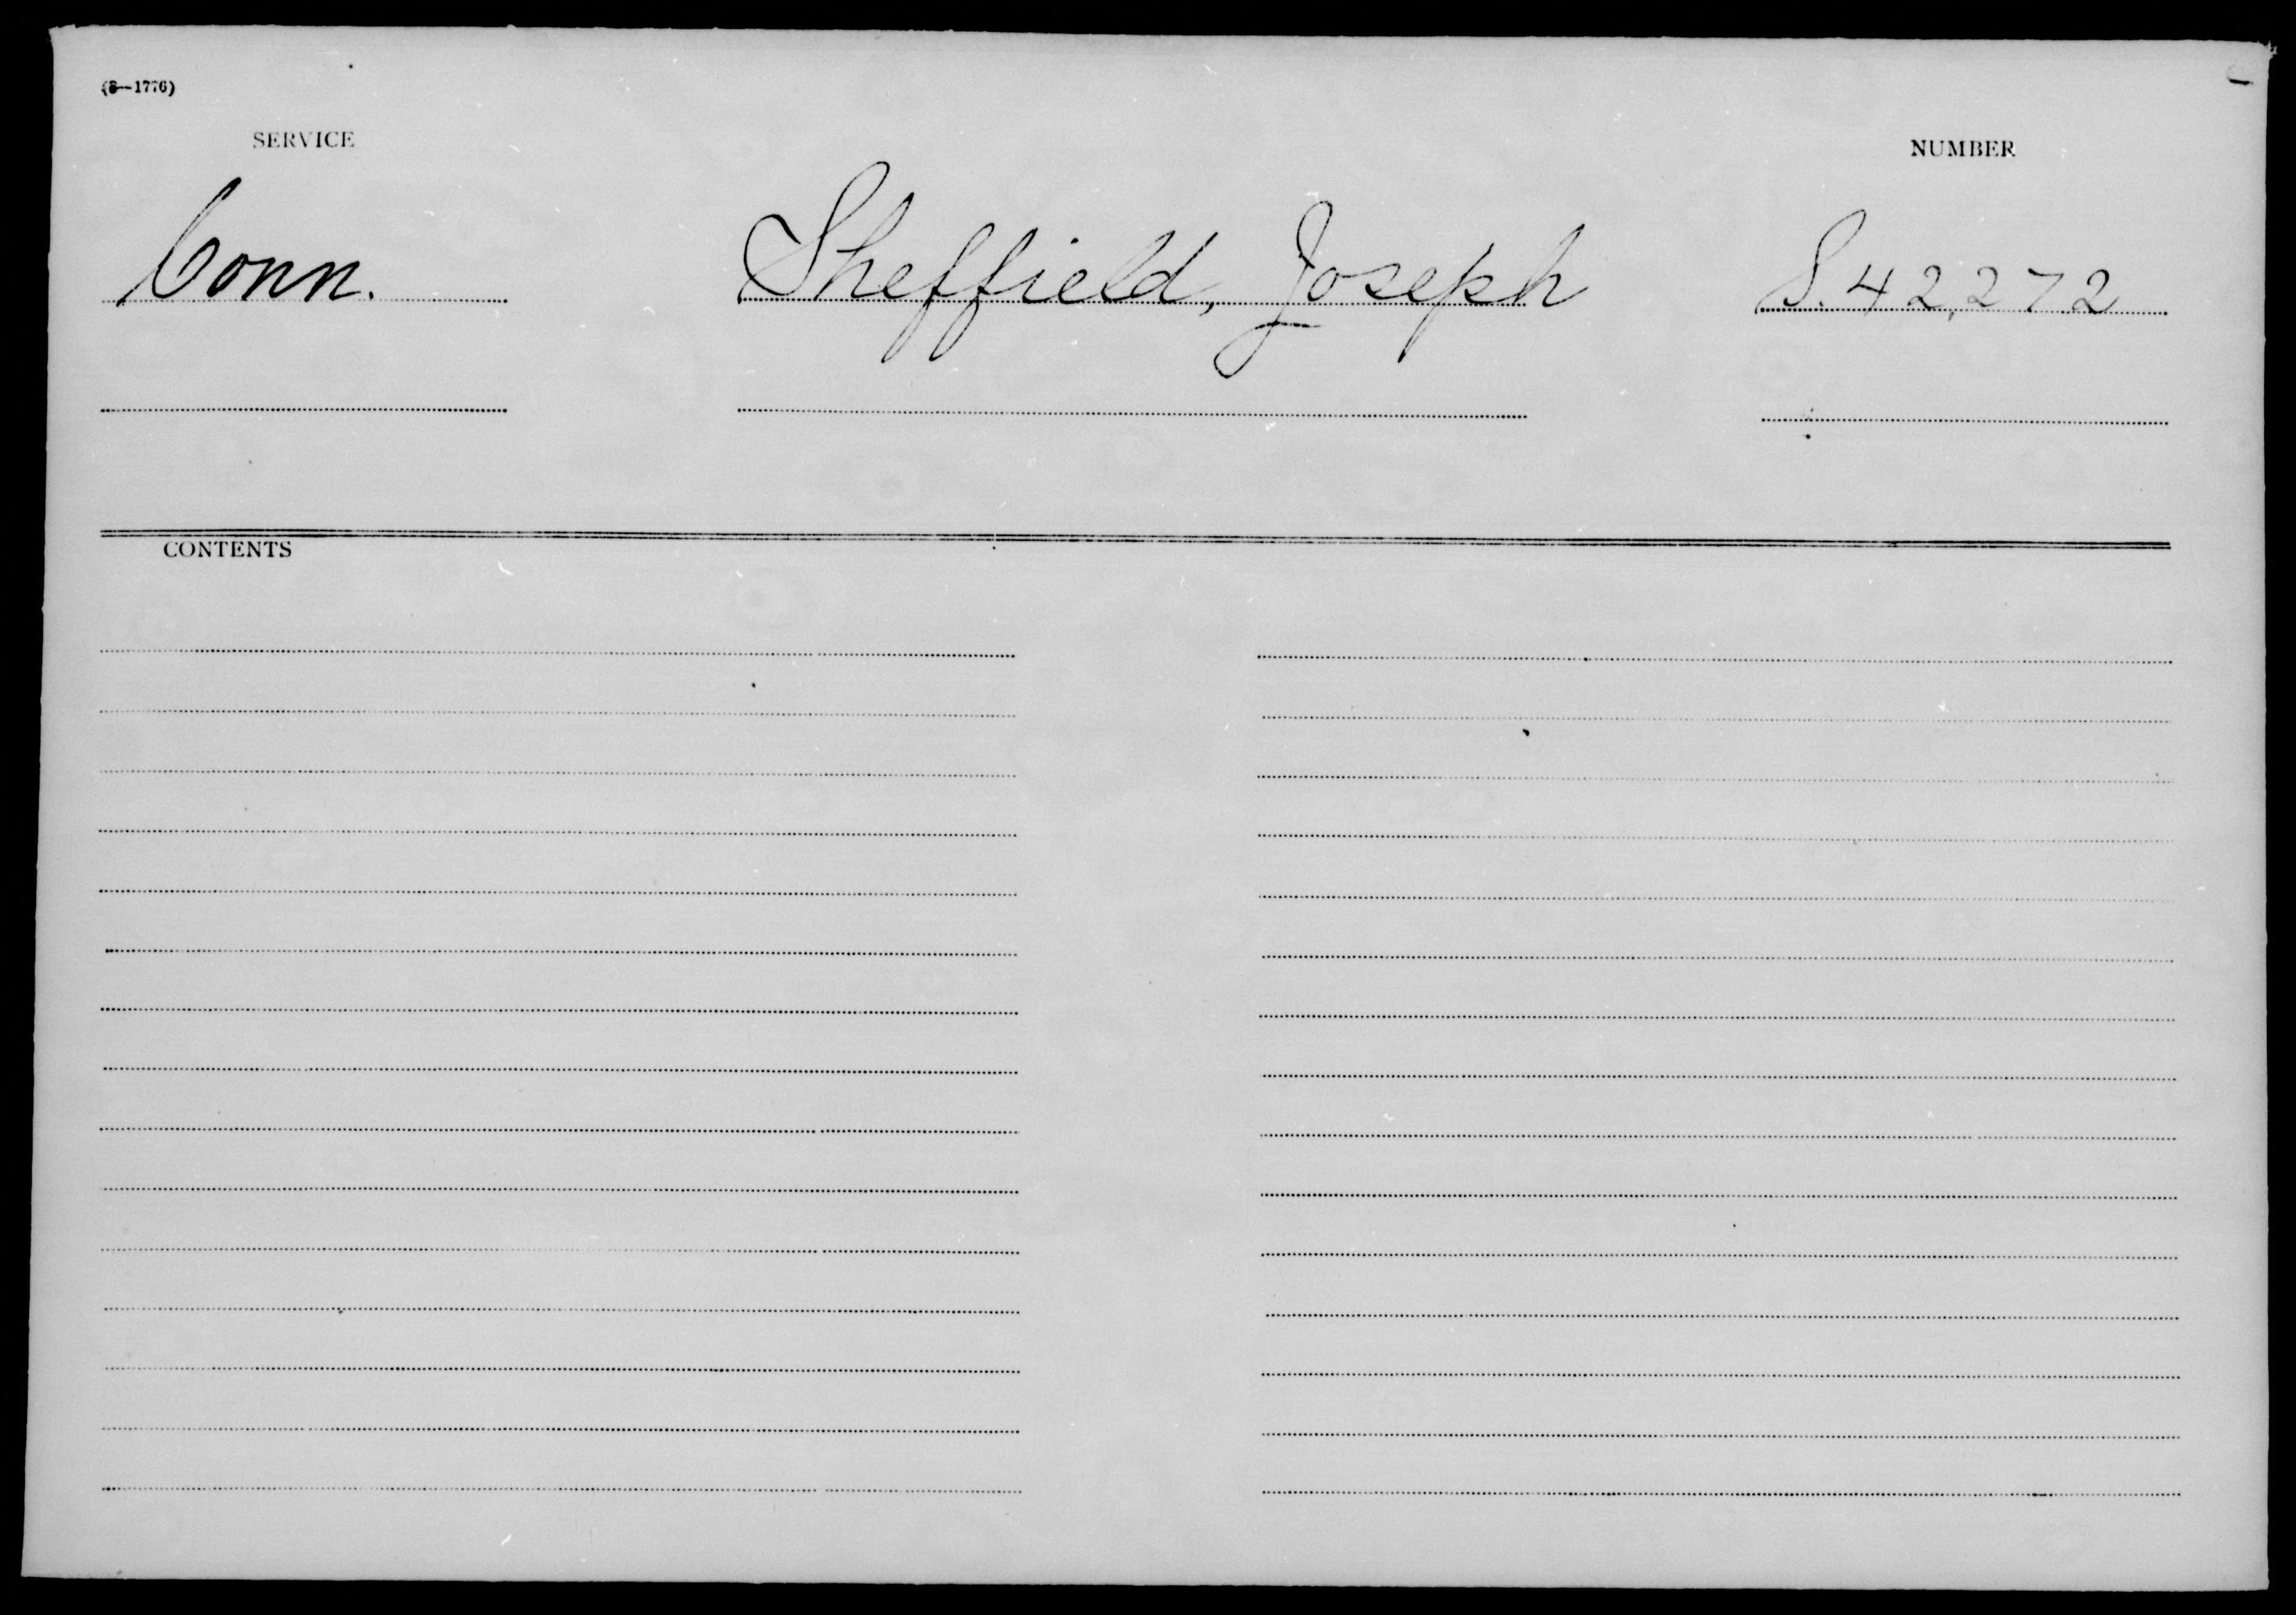Conn.     Sheffield, Joseph     S. 42,272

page: 1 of 25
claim: survivor's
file: S. 42,272, for Joseph Sheffield, Connecticut